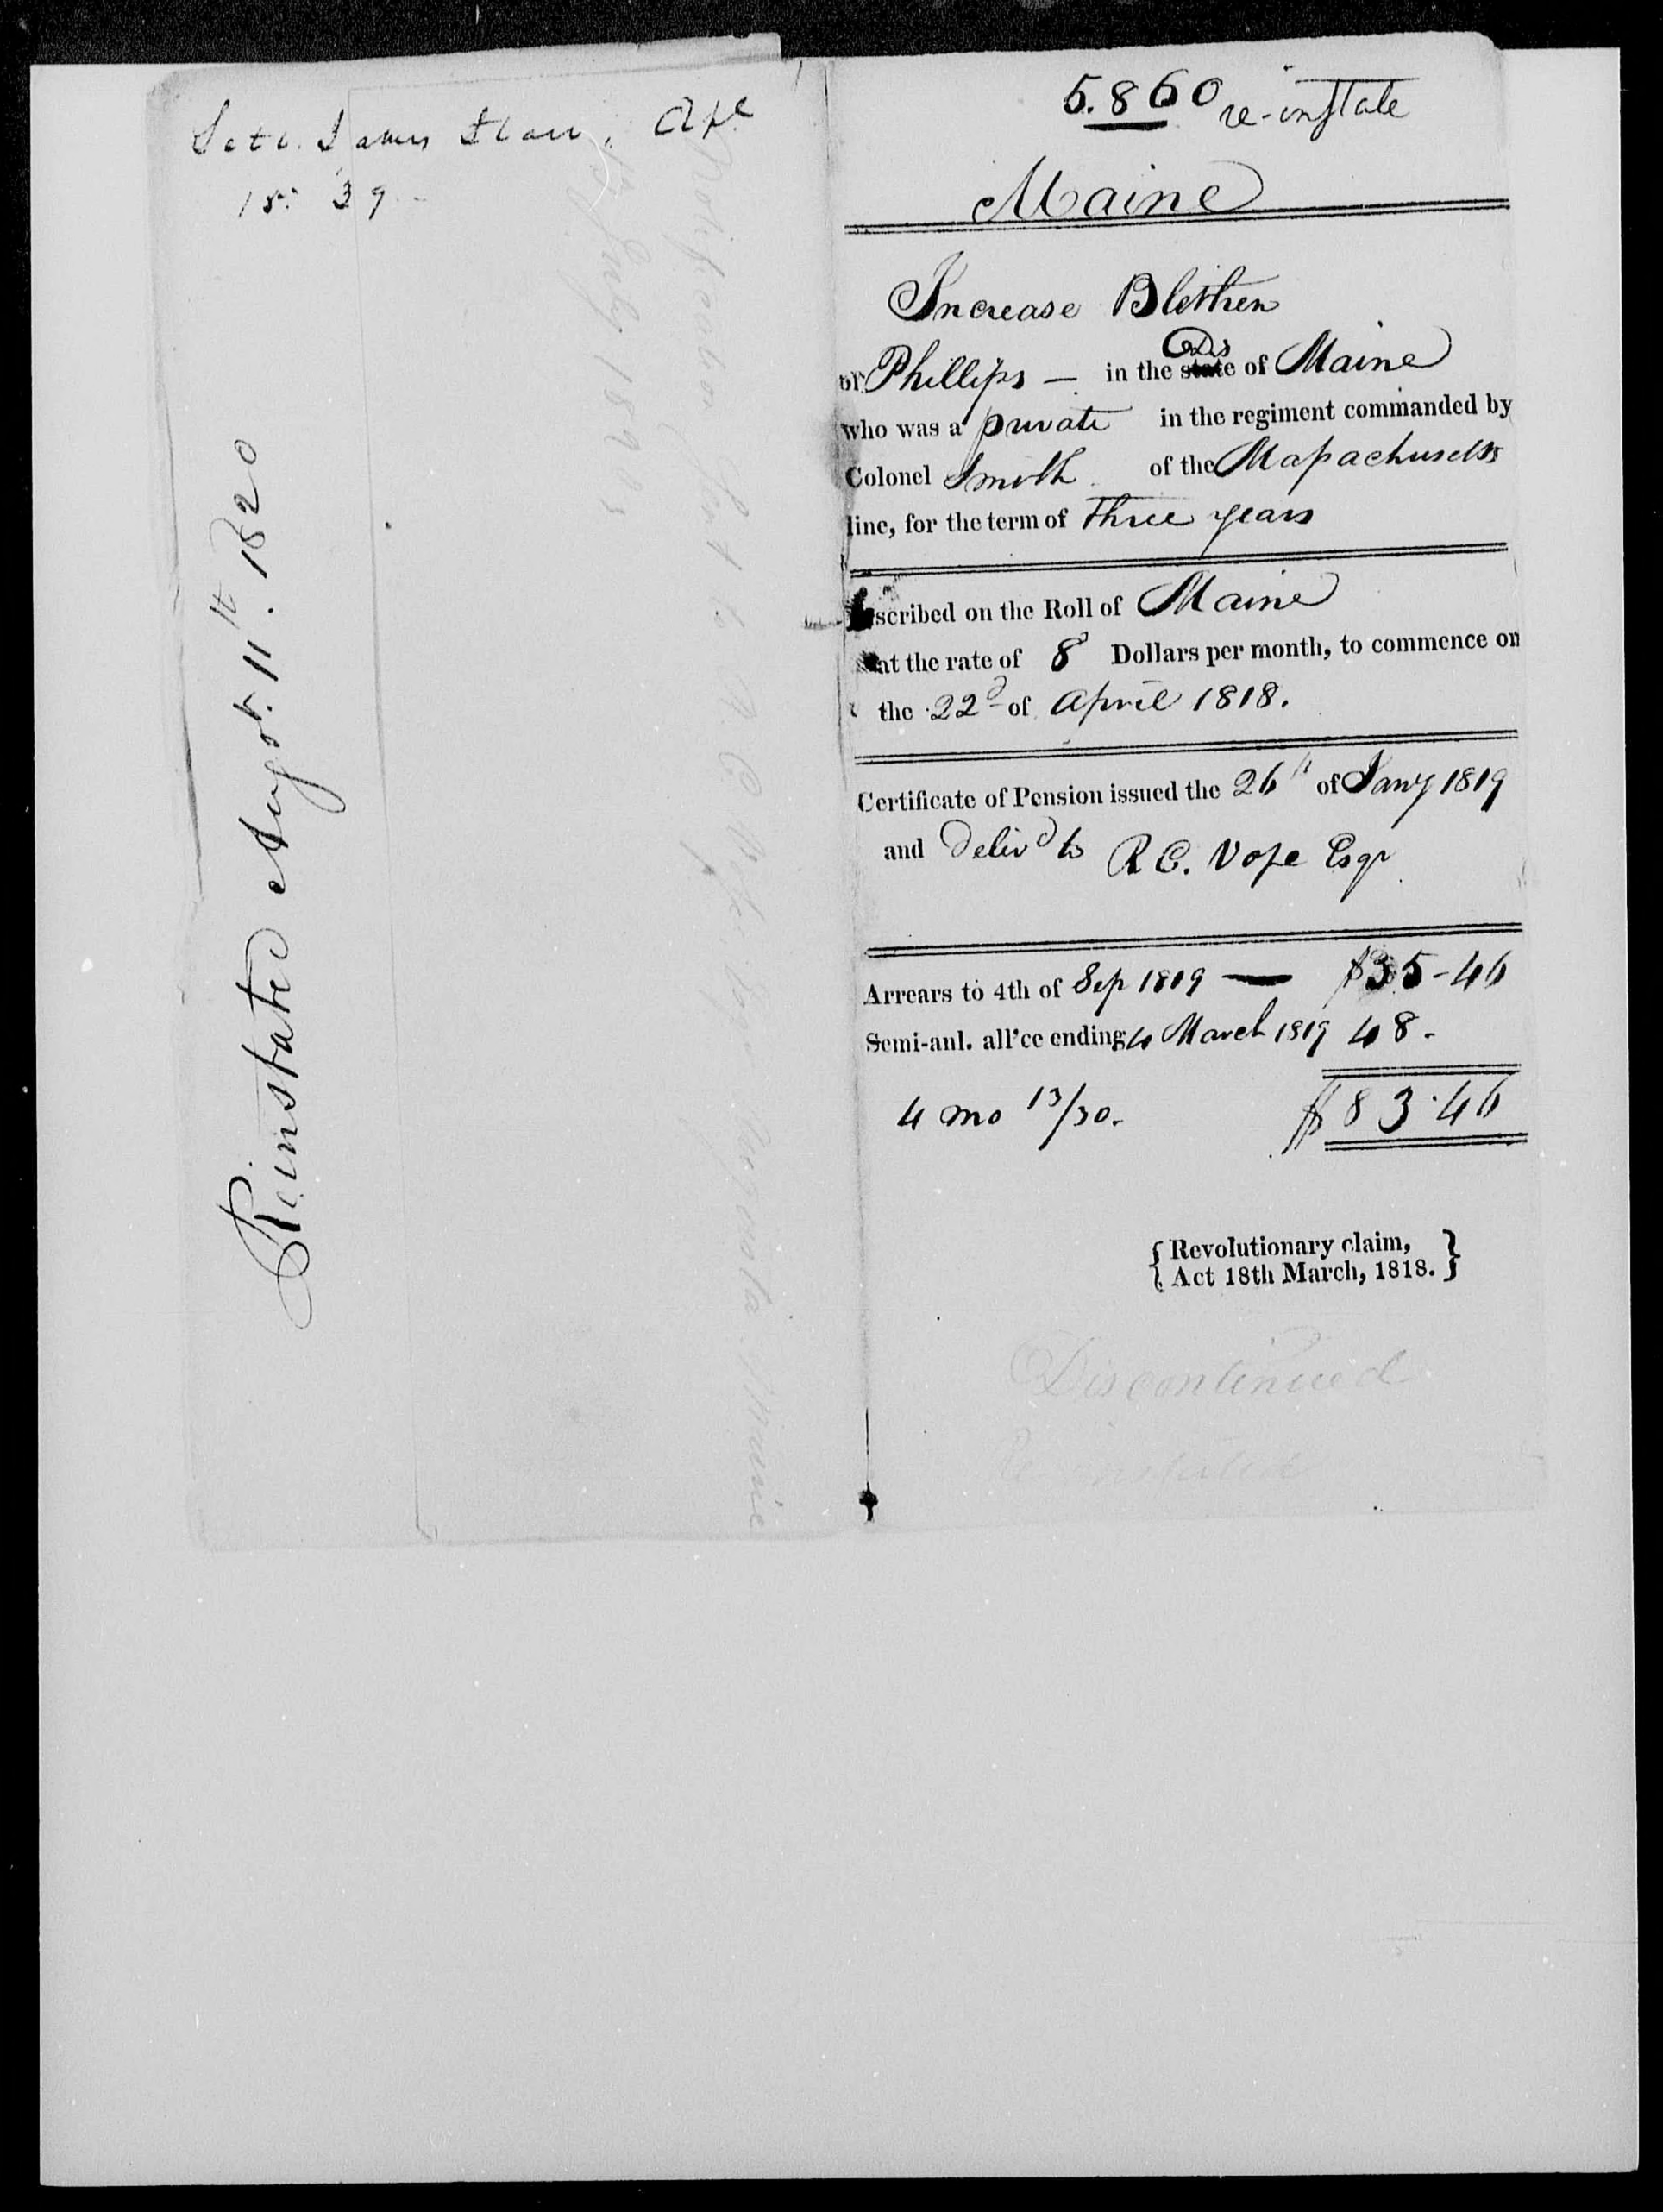5.860 re-instate
Maine
Increase Blethen
or Phillips -- in the Dis of Maine
who was a private in the regiment commanded by
Colonel smith of the Massachusetts
line, for the term of three years

Inscribed on the Roll of Maine
sent the rate of 8 Dollars per month, to commence on
the 22d of April 1818.

Certificate of Pension issued the 26th of Jany 1819
and delivd to R. C. Vose Esqr

Arrears to 4th of Sep 1819 -- $35-46
Semi-anl. all'ce ending to Mrch 1819  48
4 mo 13/30.    $83.46

{Revolutionary claim,}
{Act 18th March, 1818}

Discontinued
[Illegible]

[Left-hand side of page]

Seti. James Starr, Apl
18th. '39

Reinstated Augst. 11th. 1820

[In faint print]
Notification sent to R. C. Vose Esqr. Augusta, Maine
13 July 1890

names: Increase Blethen, Smith, James Starr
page: 2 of 39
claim: widow's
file: W. 23,621, Increase Blethen, Mass.